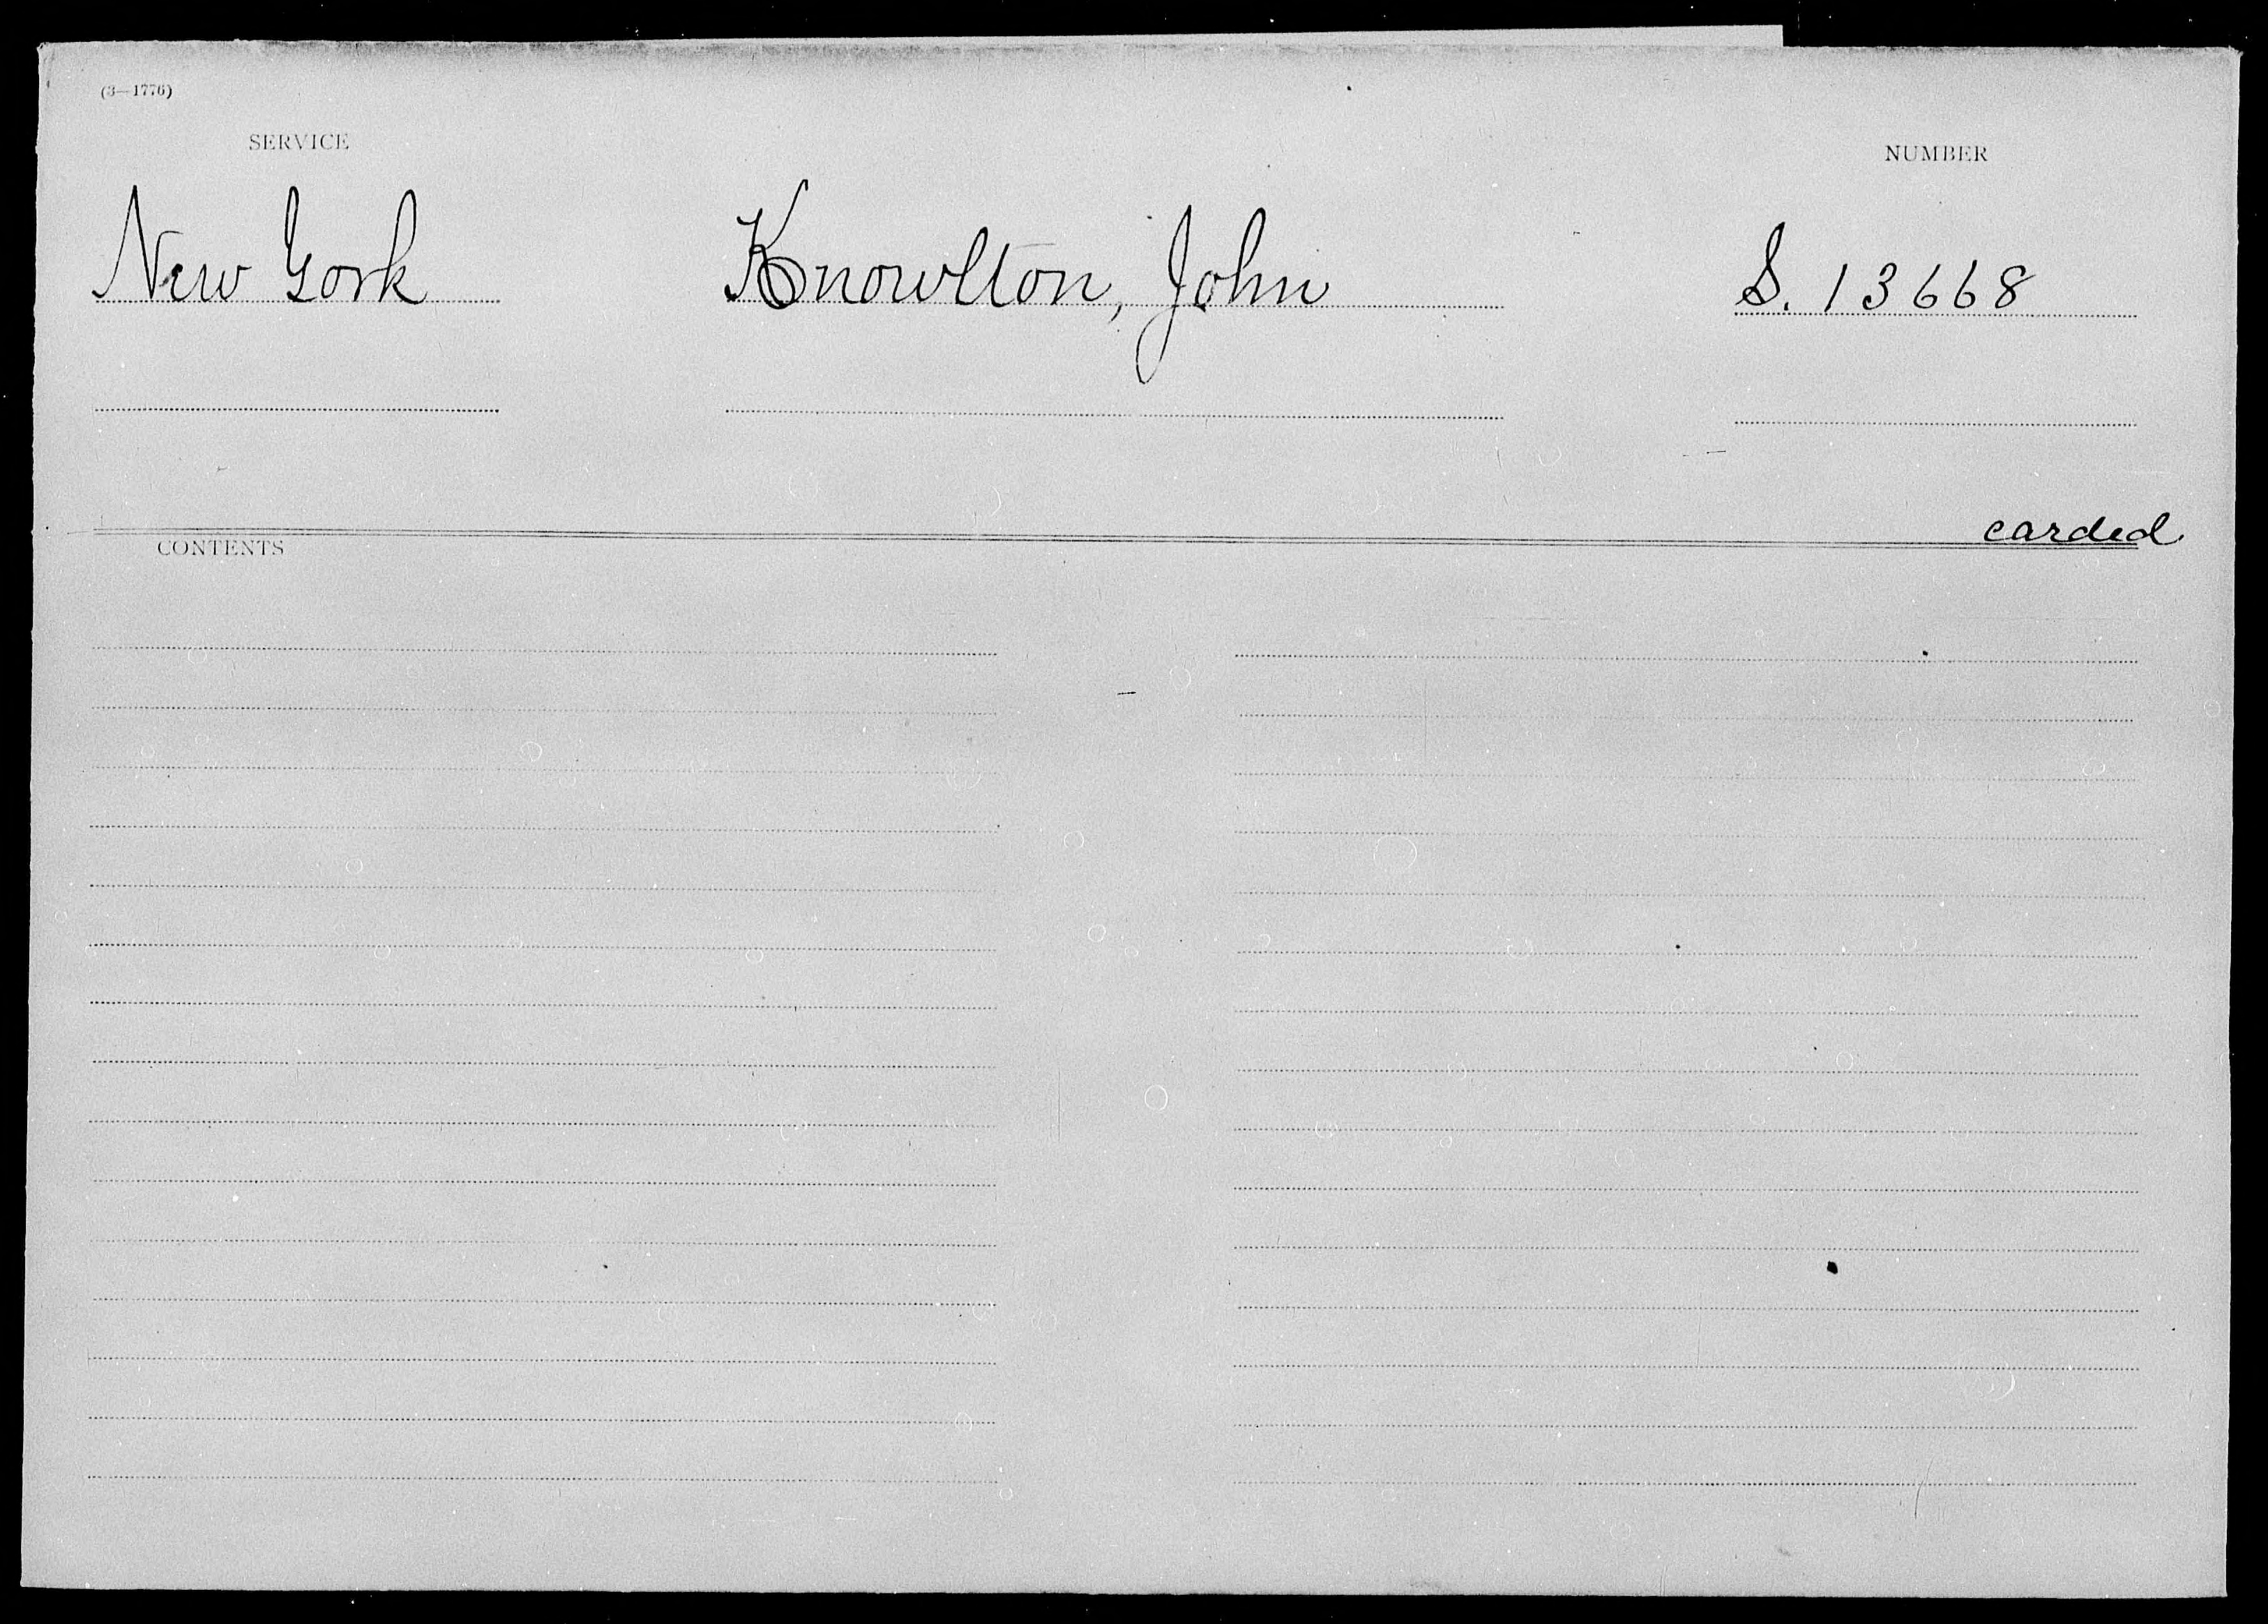(3 - 1776)
SERVICE
New York
Knowlton, John
NUMBER
S. 13668
carded
CONTENTS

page: 1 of 25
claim: survivor's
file: S. 13668, for John Knowlton, New York